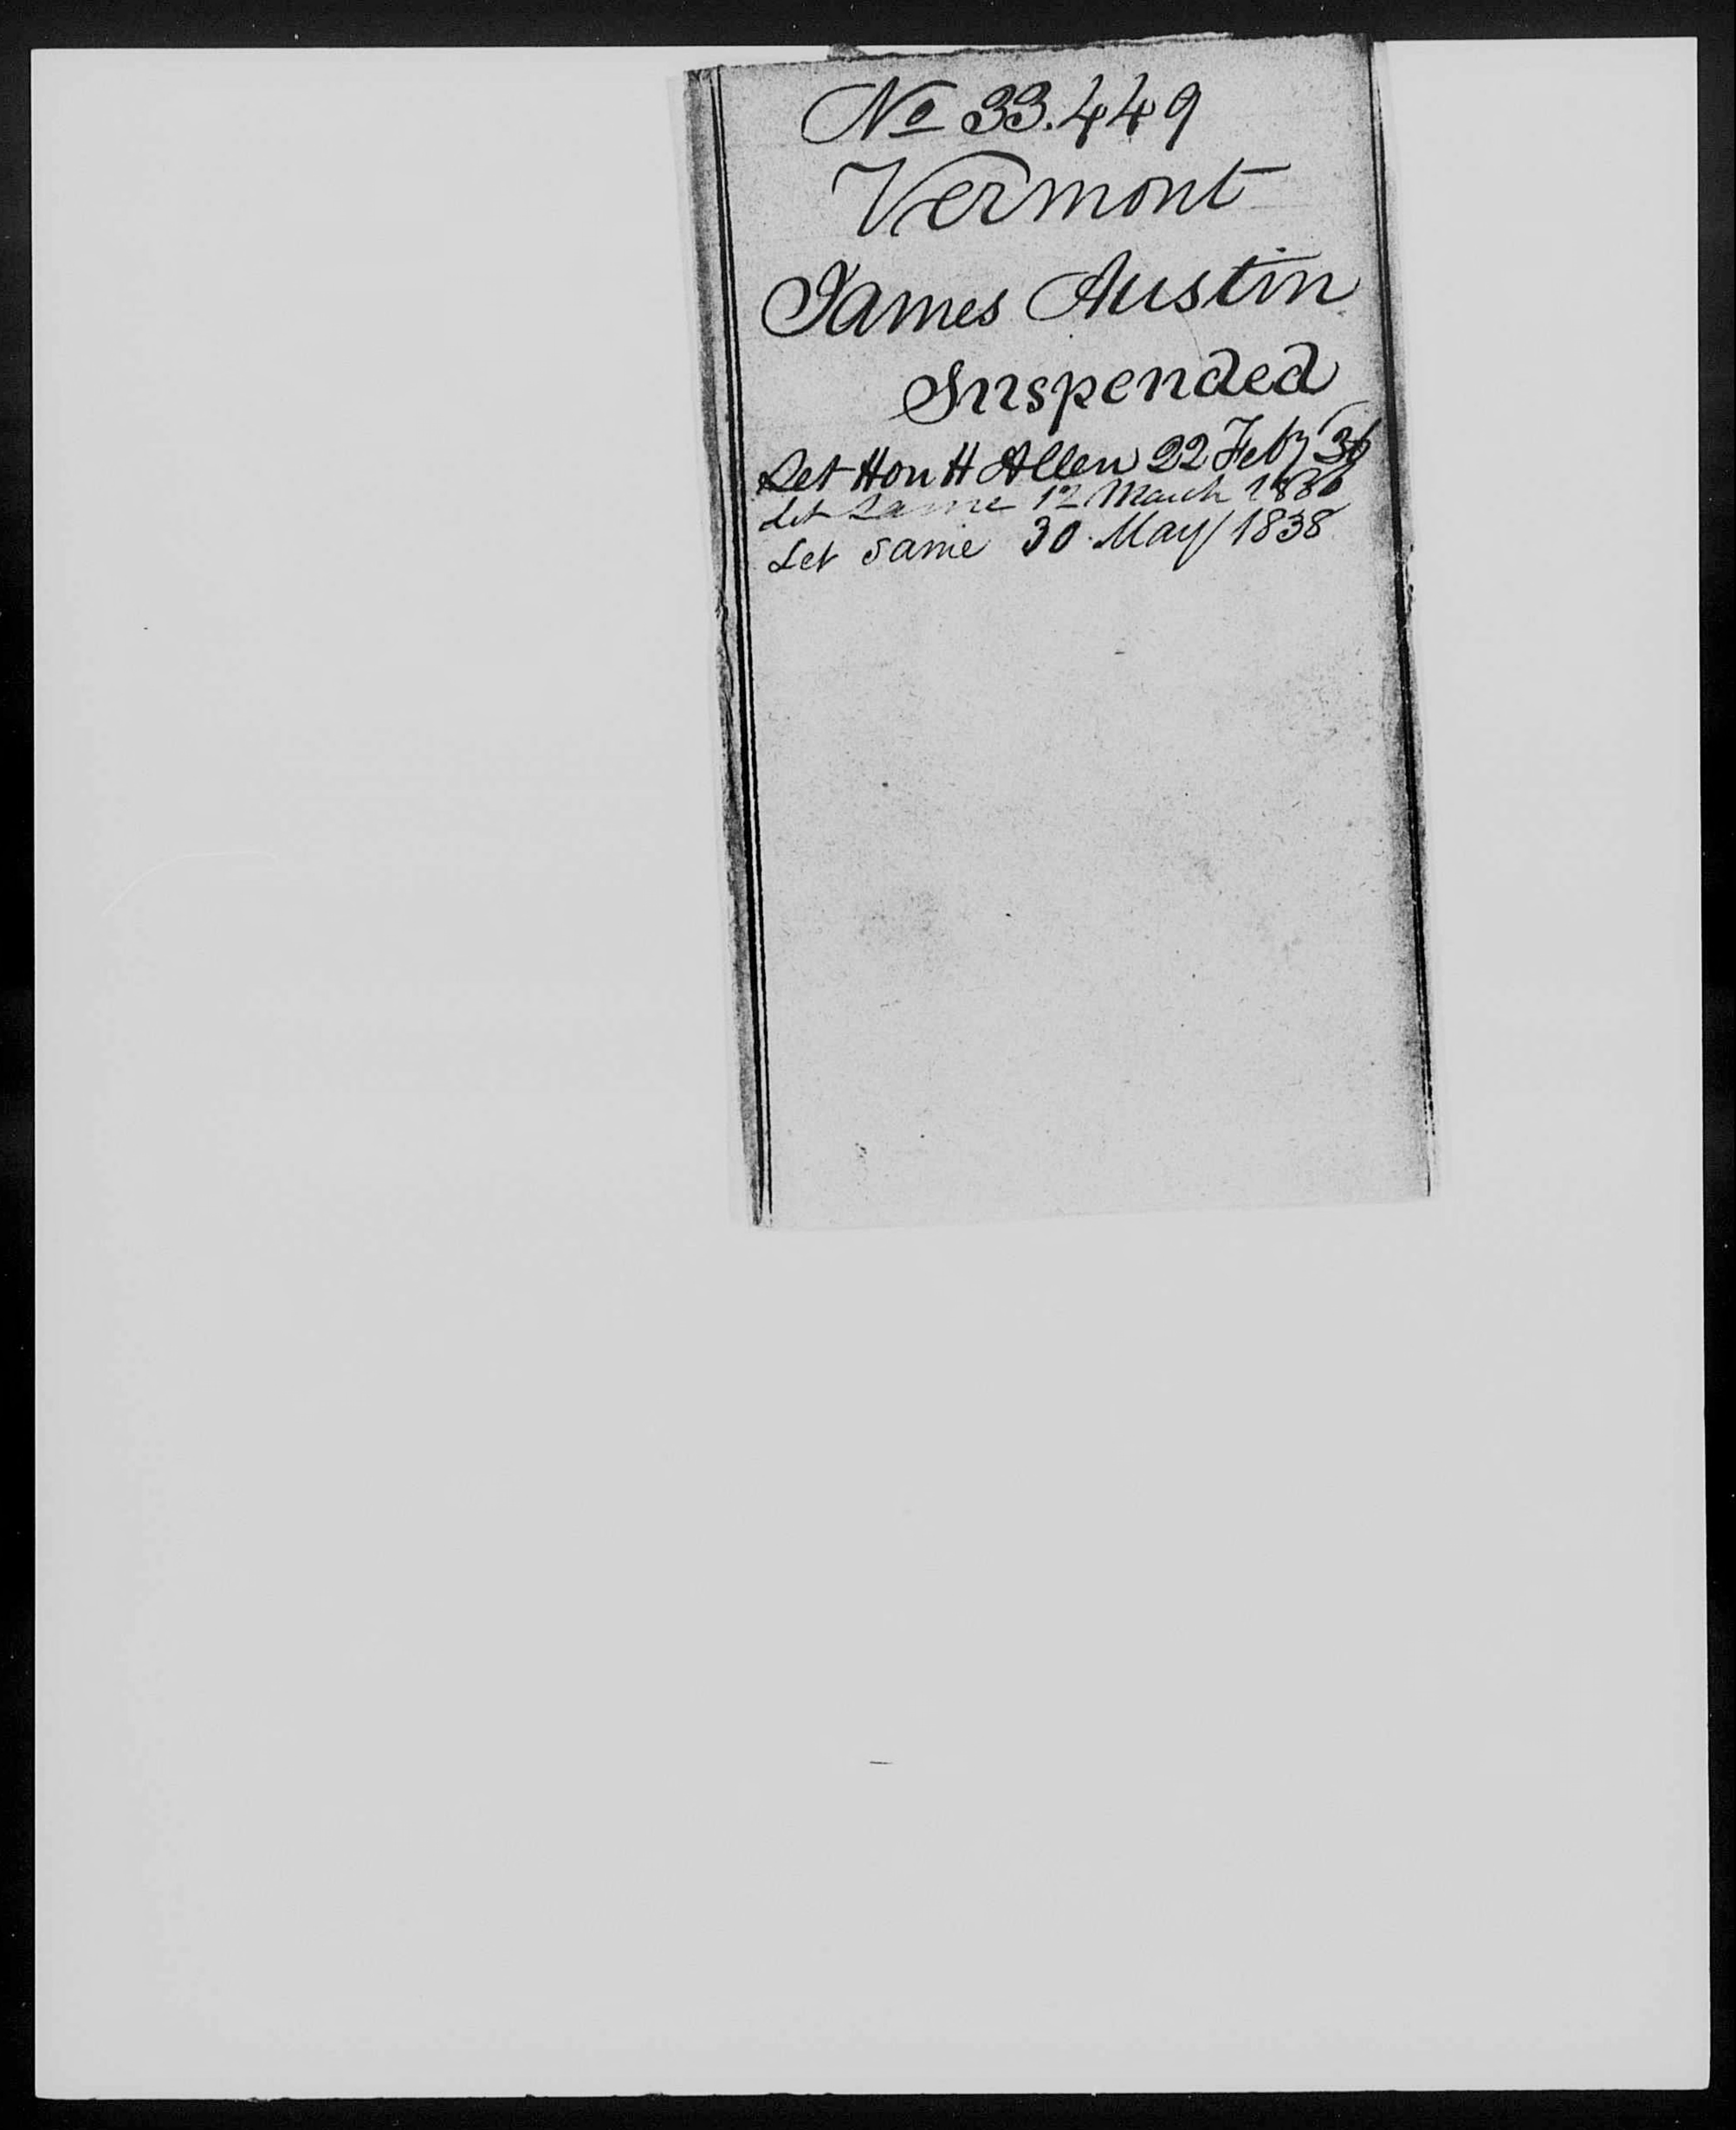No 33,449
Vermont
James Austin
Suspended
Let Hon H Allen 22 Feb '36
Let same 12 March 1836
Let same 30 May 1838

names: James Austin, H Allen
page: 41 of 100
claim: survivor's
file: S 19186, James Austin, Conn. New York R.I.